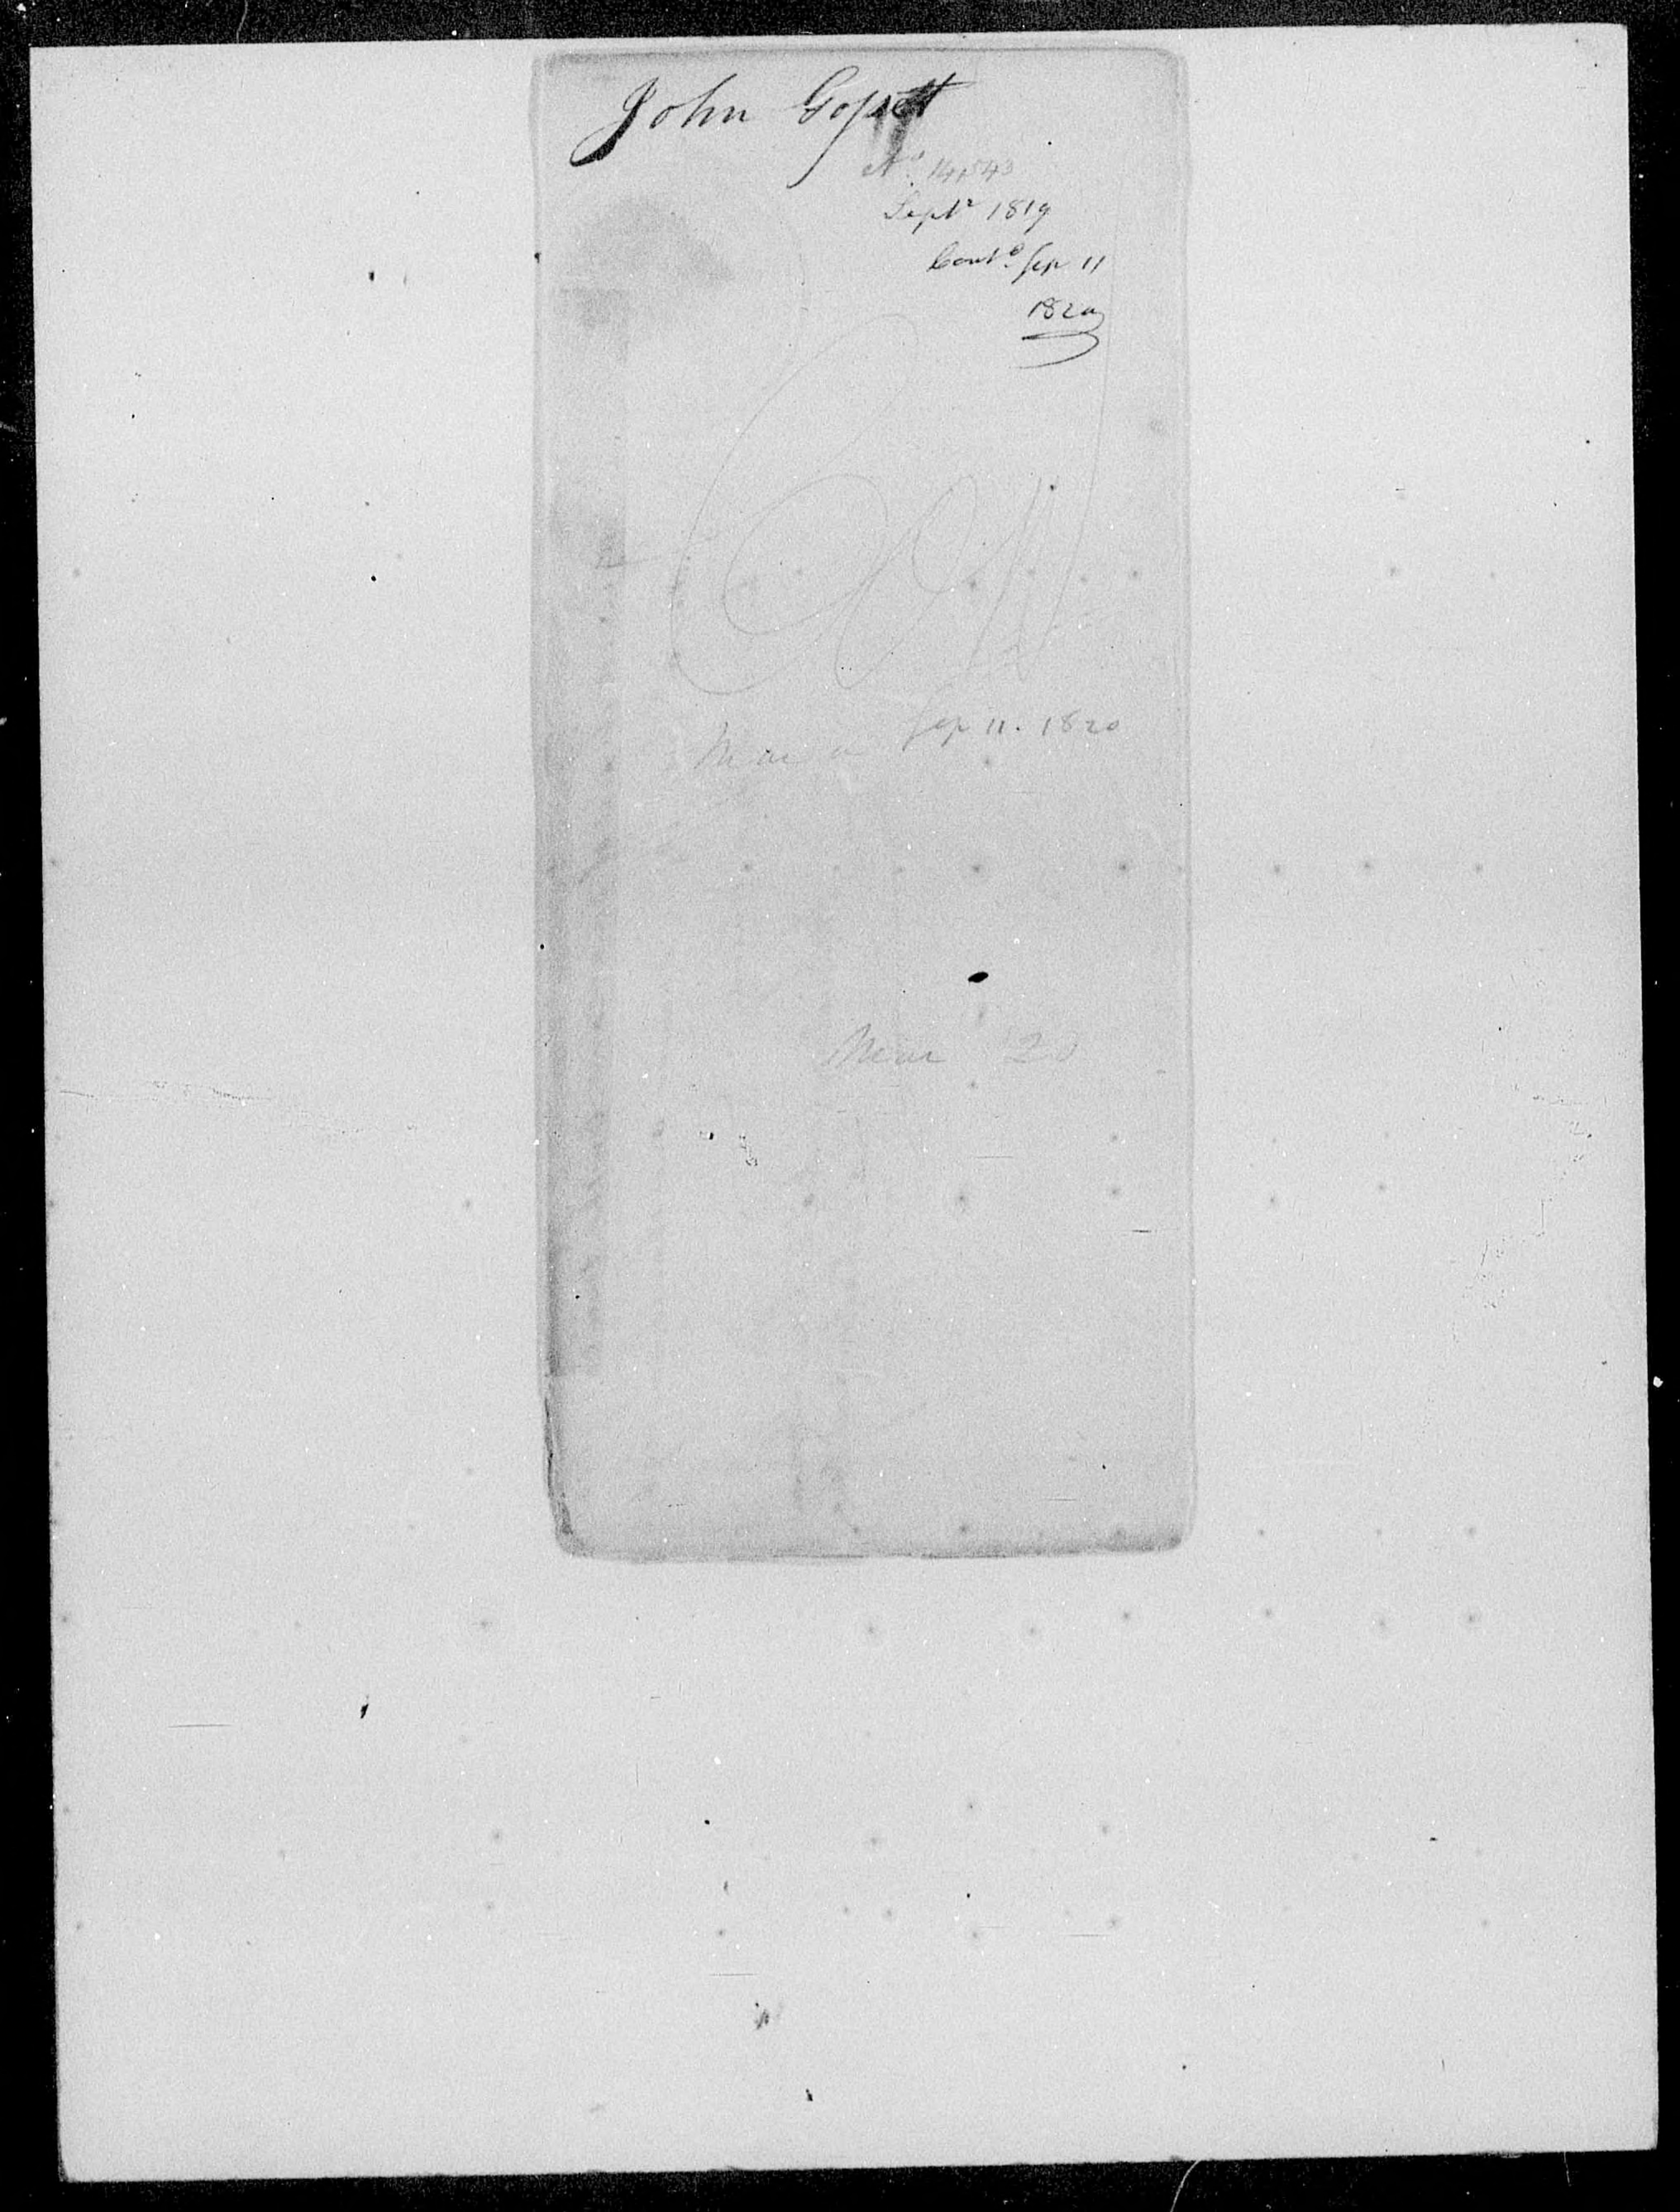John Gosset
No 14,543
Septr 1819
Cont o Sep 11 1820

[written very large and faint]
Con
Near or Sep. 11 1829
Near '20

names: John Gossett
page: 6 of 21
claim: survivor's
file: S. 42,750, John Gosset, Va.